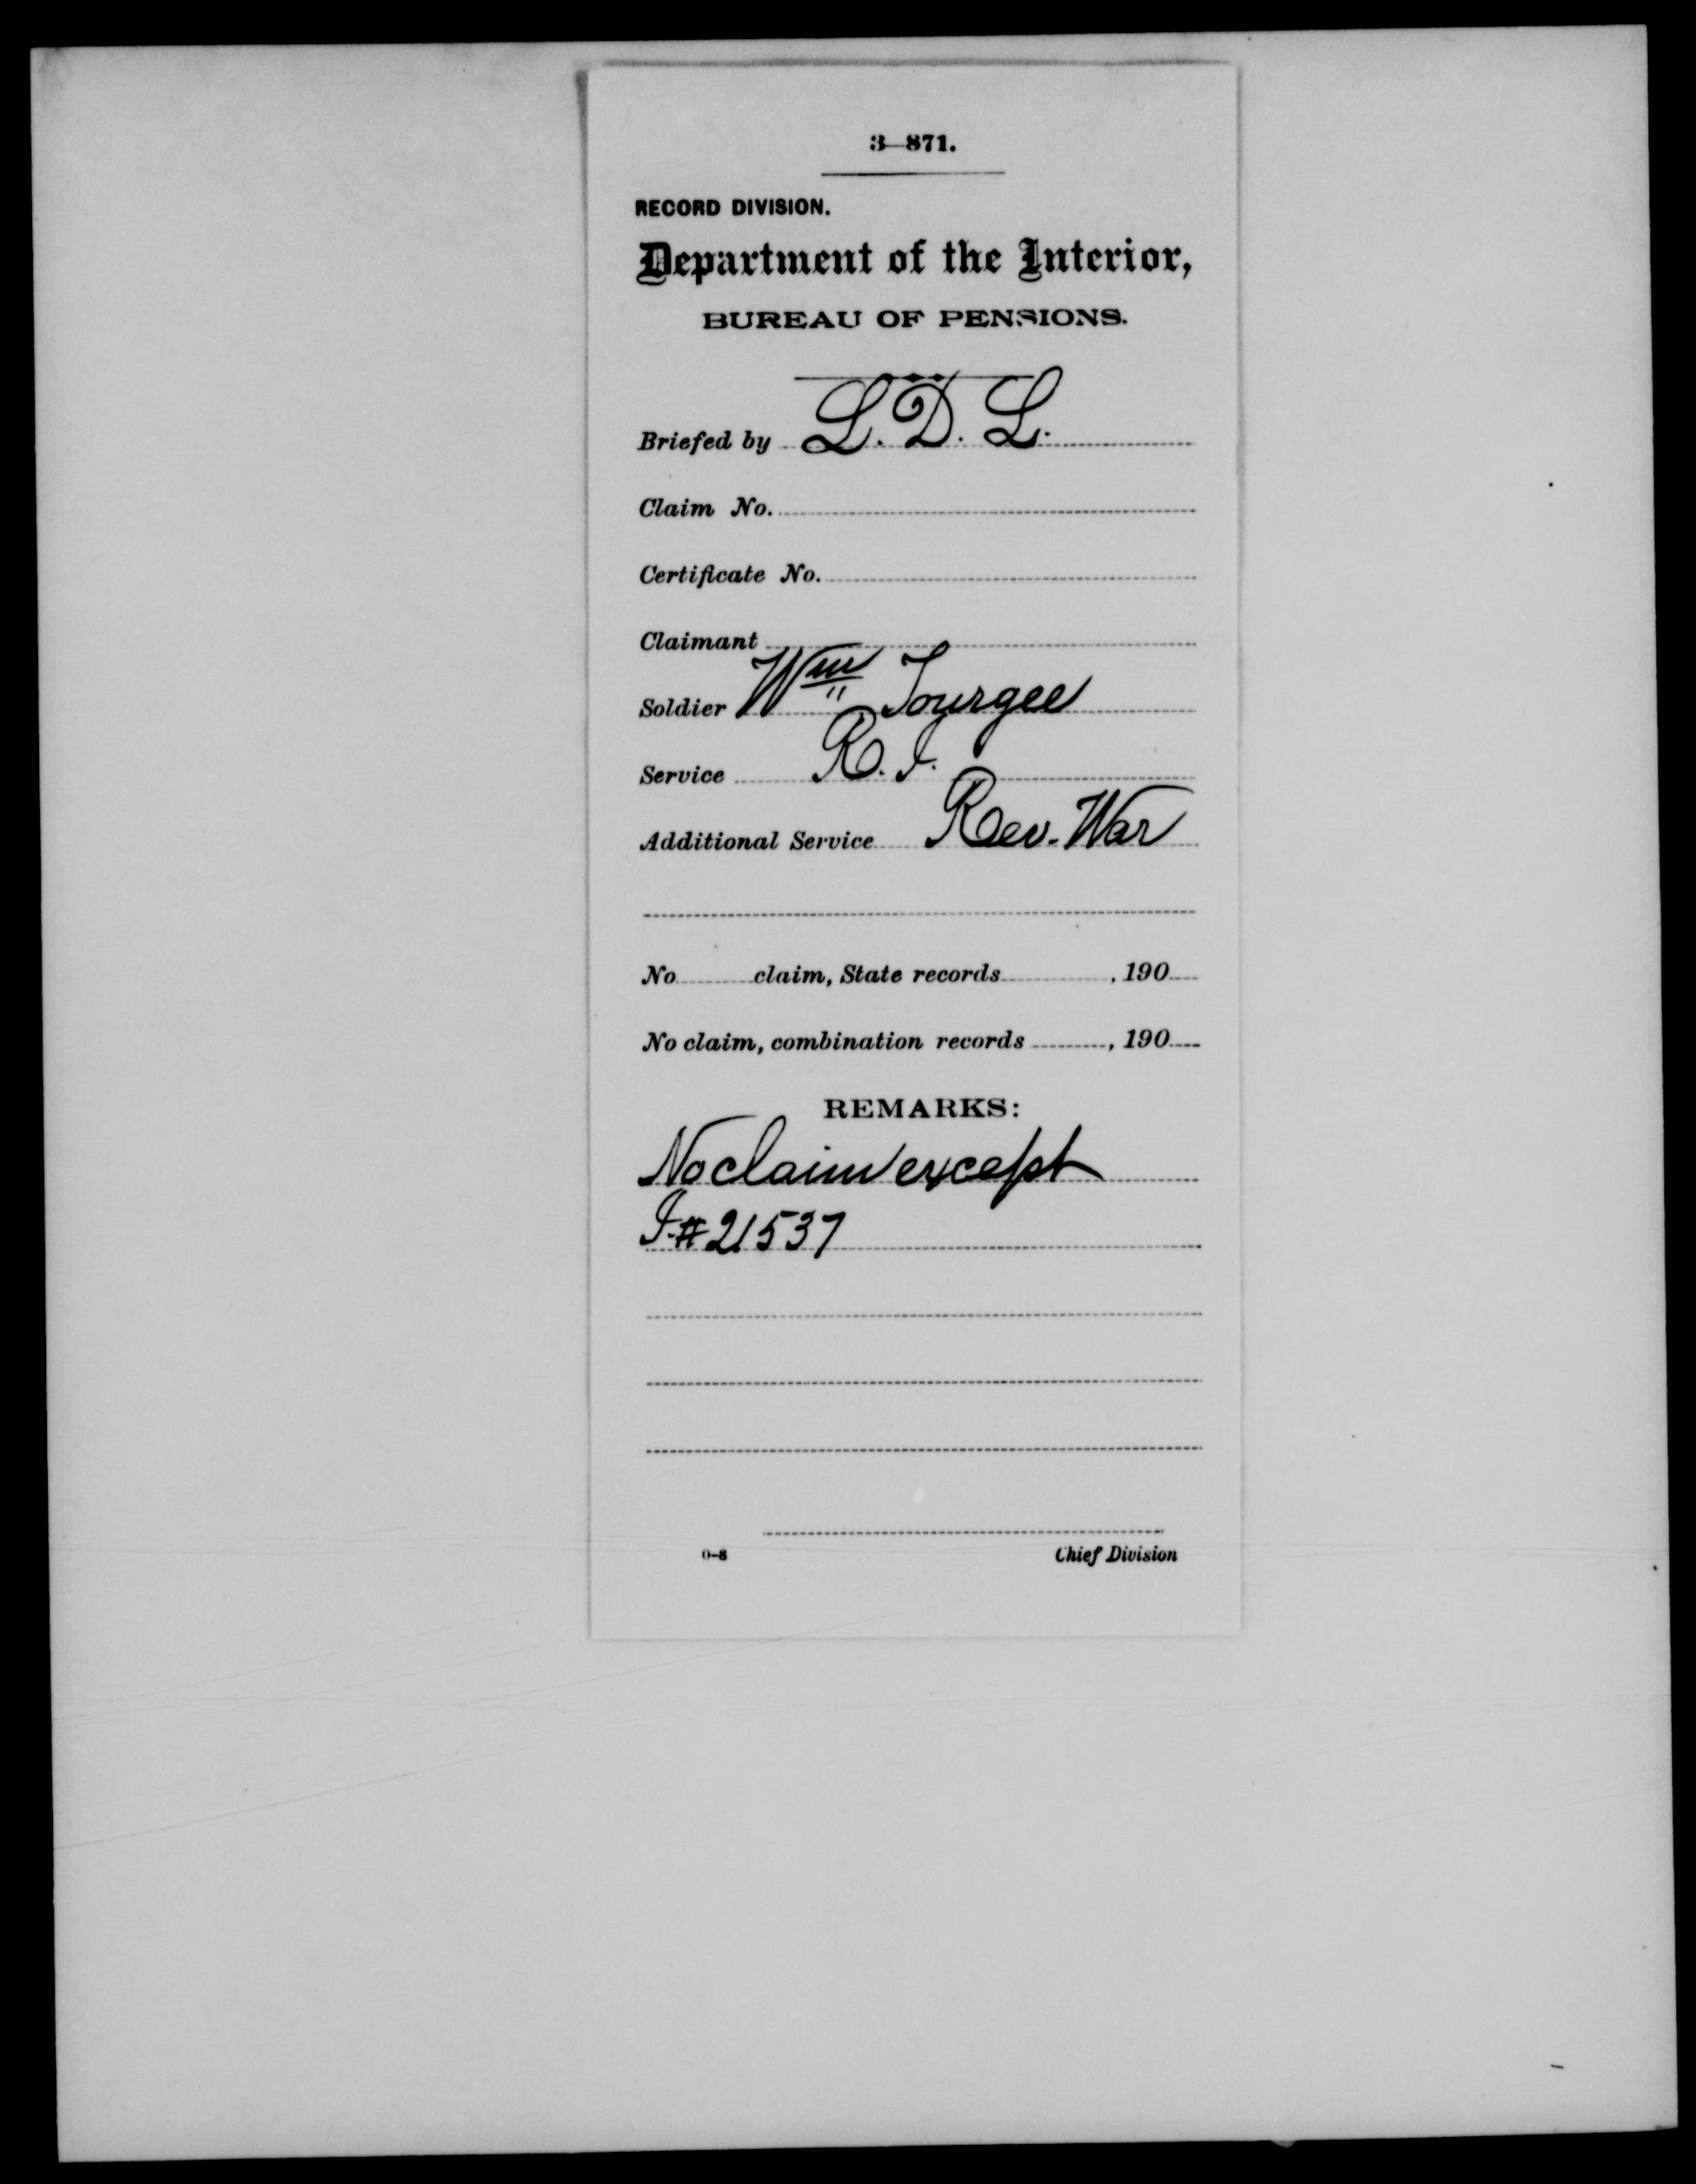3-871

Record Division
Department of the Interior,
Bureau of Pensions

Briefed by L.D.L.
Claim No. [blank]
Certificate No. [blank]
Claimant [blank]
Soldier Wm Tourgee
Service R.I.
Additional Service Rev. War

No [blank] claim, State records [blank], 190[blank]
No claim, combination records [blank], 190[blank]

REMARKS:
No claim except I. # 21537

Chief Division
0-8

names: Wm Tourgee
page: 17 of 21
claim: survivor's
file: S. 21537, William Tourgee, R.I.